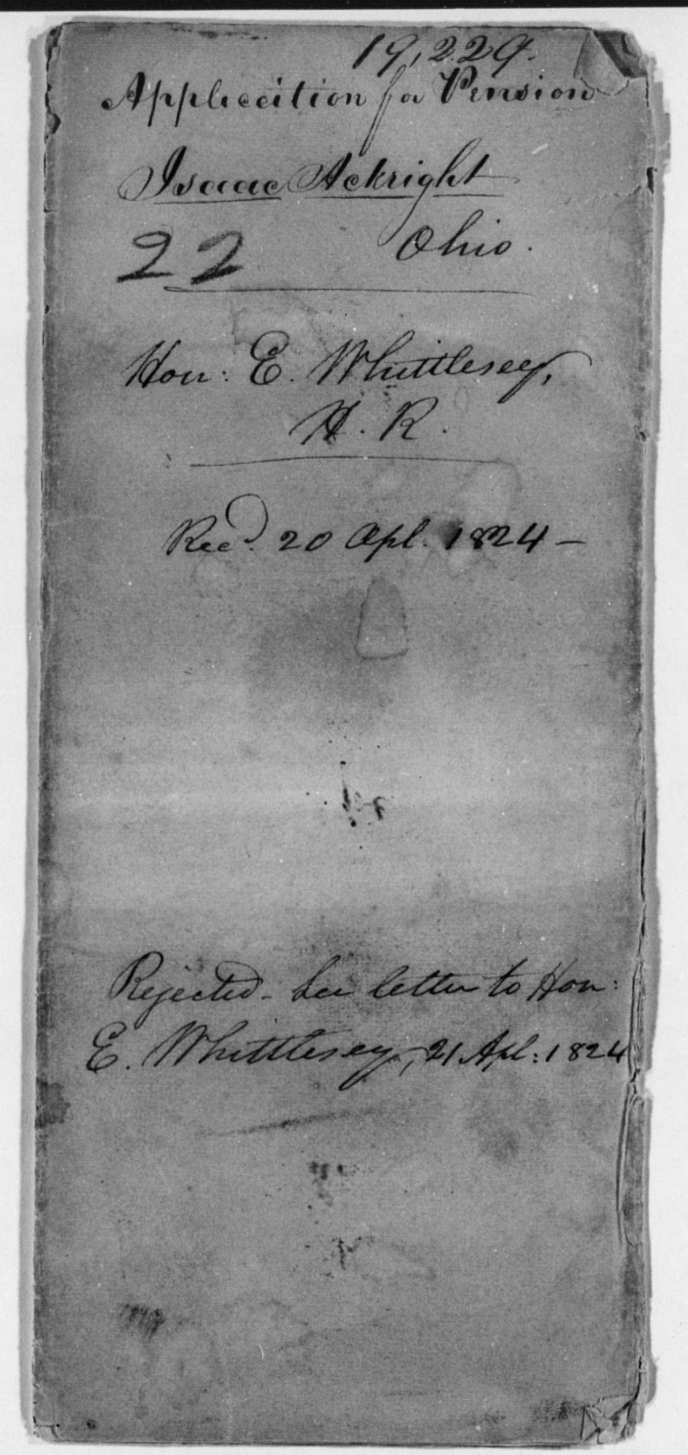19229
Application for Pension
Isaac Ackright
22 Ohio

Hon. E. Whittlesey
H.R.

Rec'd 20 Apr 1824

Rejected - See letter to Hon. E. Whittlesey, 21 Apr 1824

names: Isaac Ackright, E Whittlesey, E Whittlesey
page: 11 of 15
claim: rejected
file: R. 22, Isaac Ackright, Md.